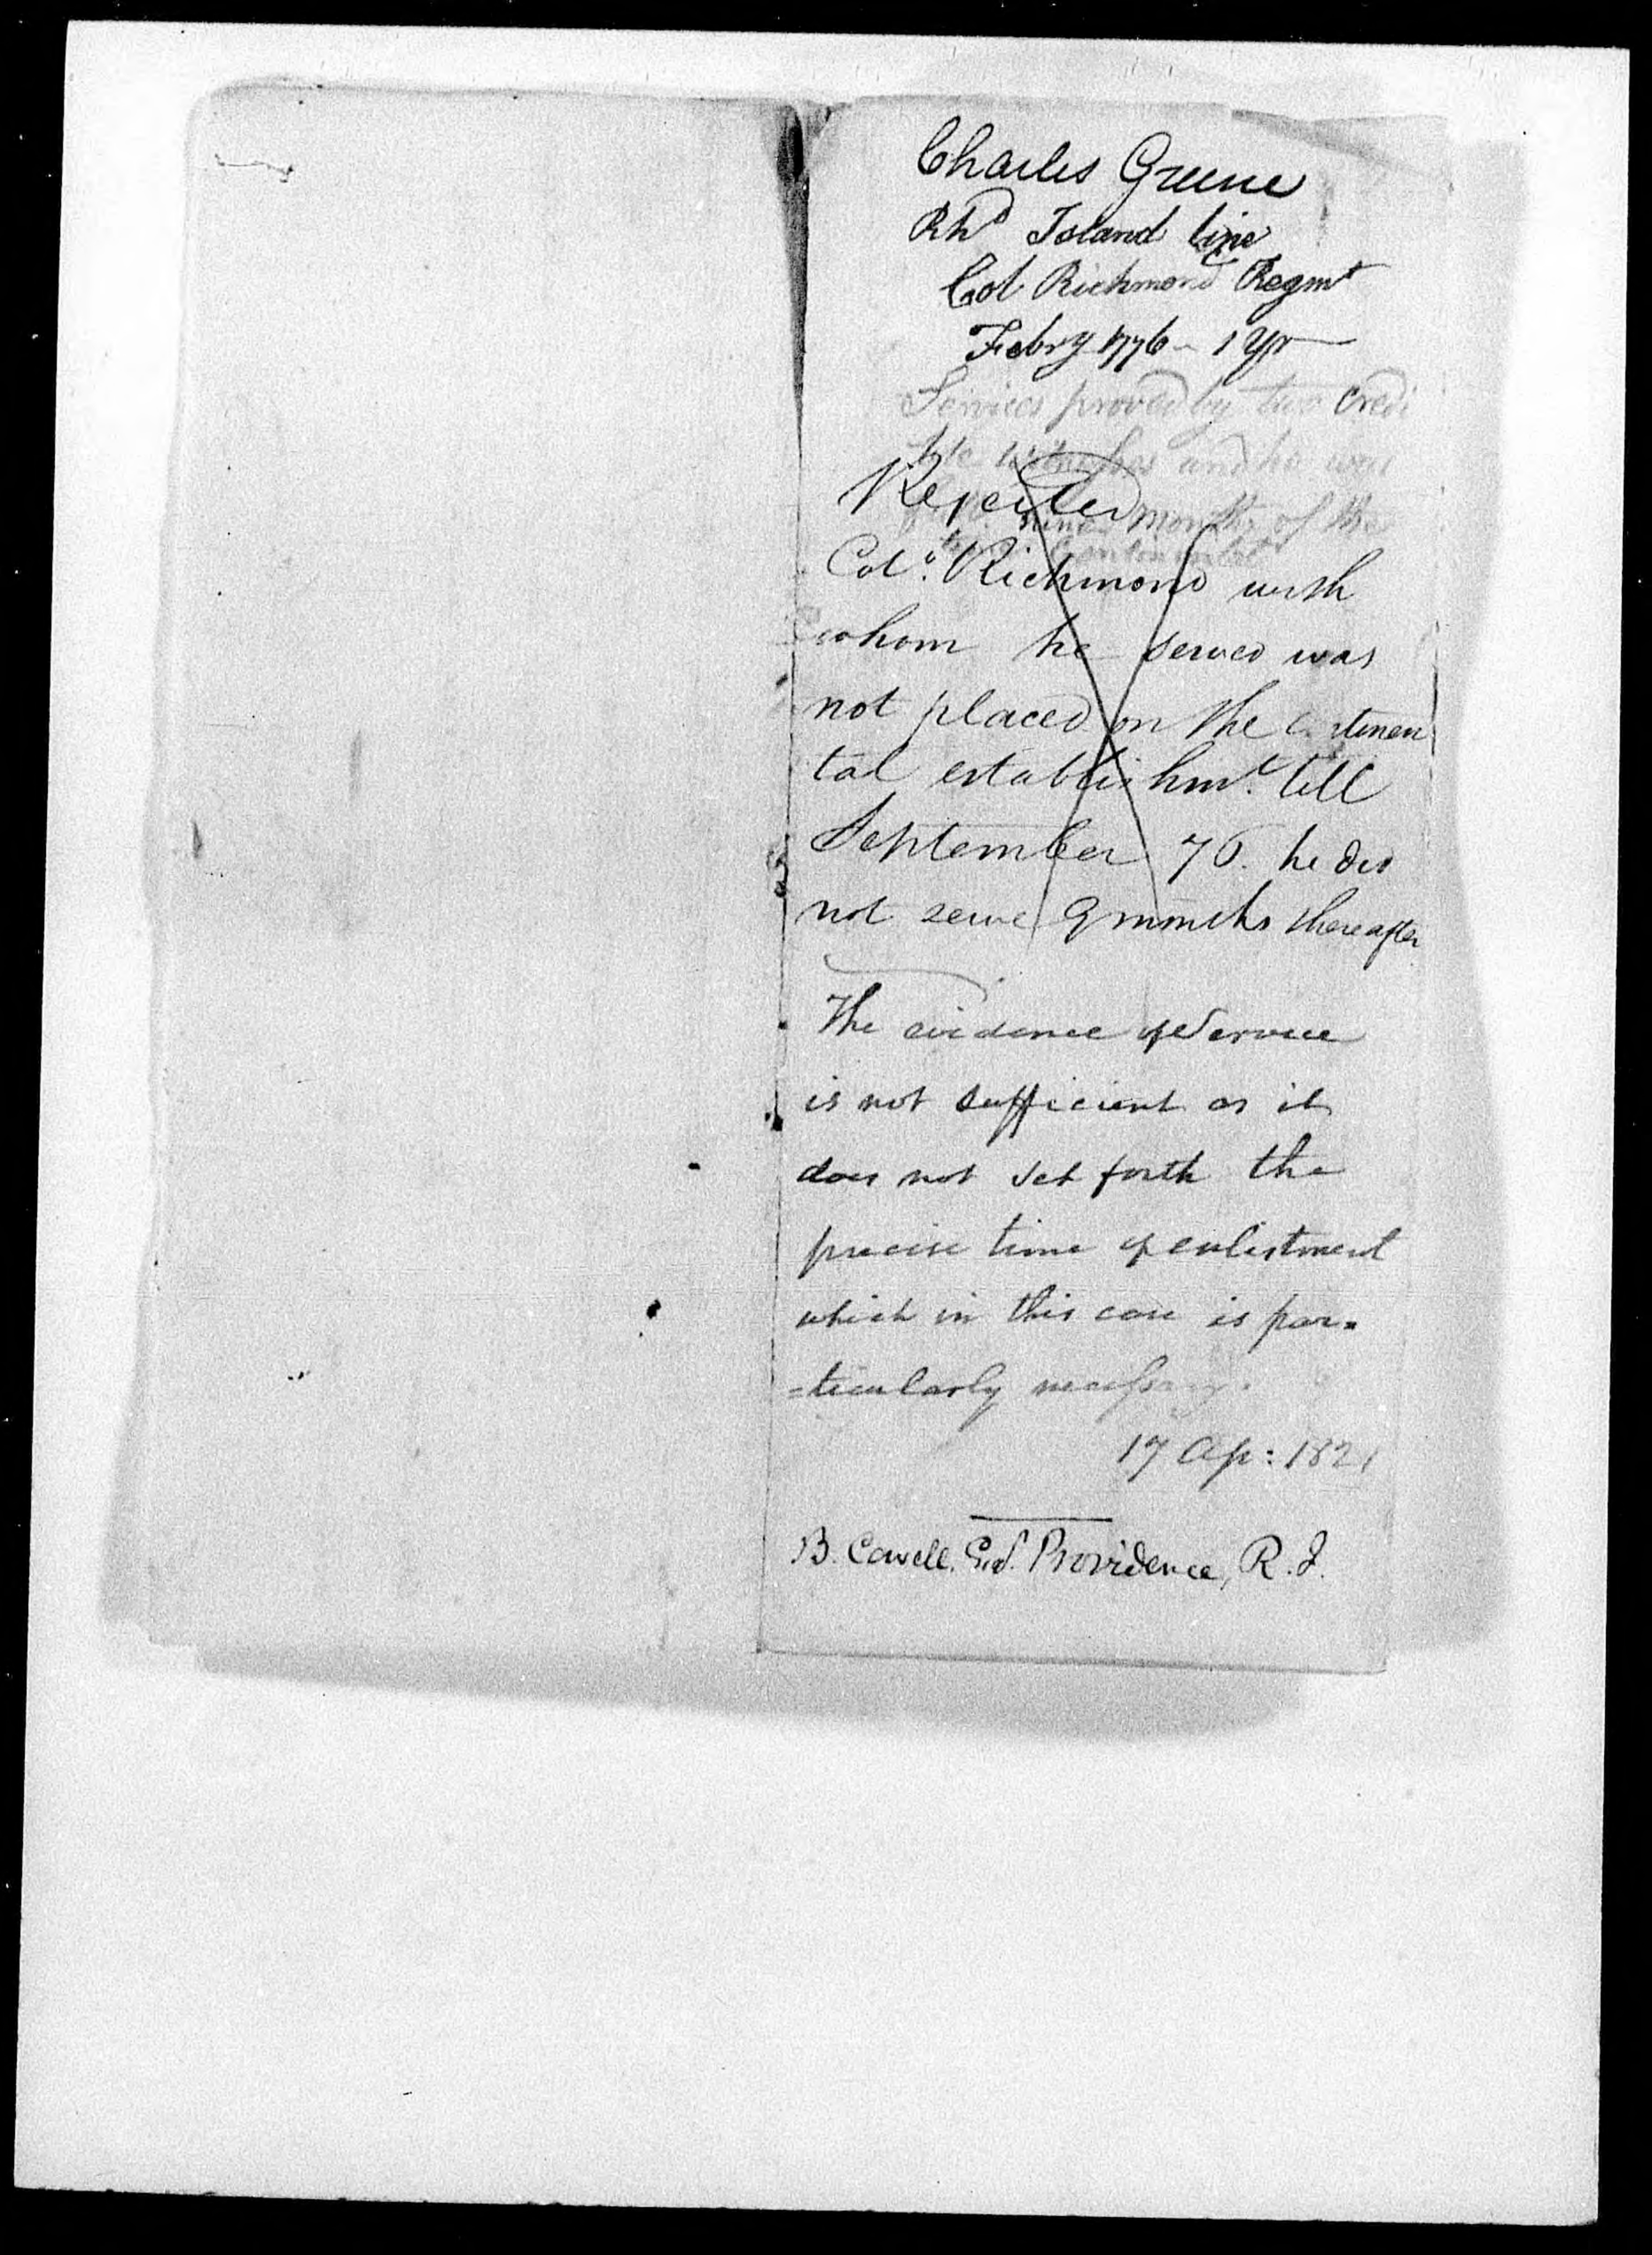Charles Greene
Rh.d Island Line
Col. Richmond Regm.t
February 1776 - 1 yr
Services provided by two credible witnesses and ...

[CROSSED OUT] 
Col. Richmond wasnt whom he served was not placed on the continental establishe hm.l till September '76 he does not serve Grimochs thereafter. 

The evidence of service is not sufficient as it does not set forth the precise time of enlistment which in this case is particularly necessary. 
17 Ap 1821
B. Cowell. Cid
Providence R.I.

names: B Cowell, Charles Greene, Richmond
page: 18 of 20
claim: survivor's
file: S. 38755, Charles Greene, R.I.